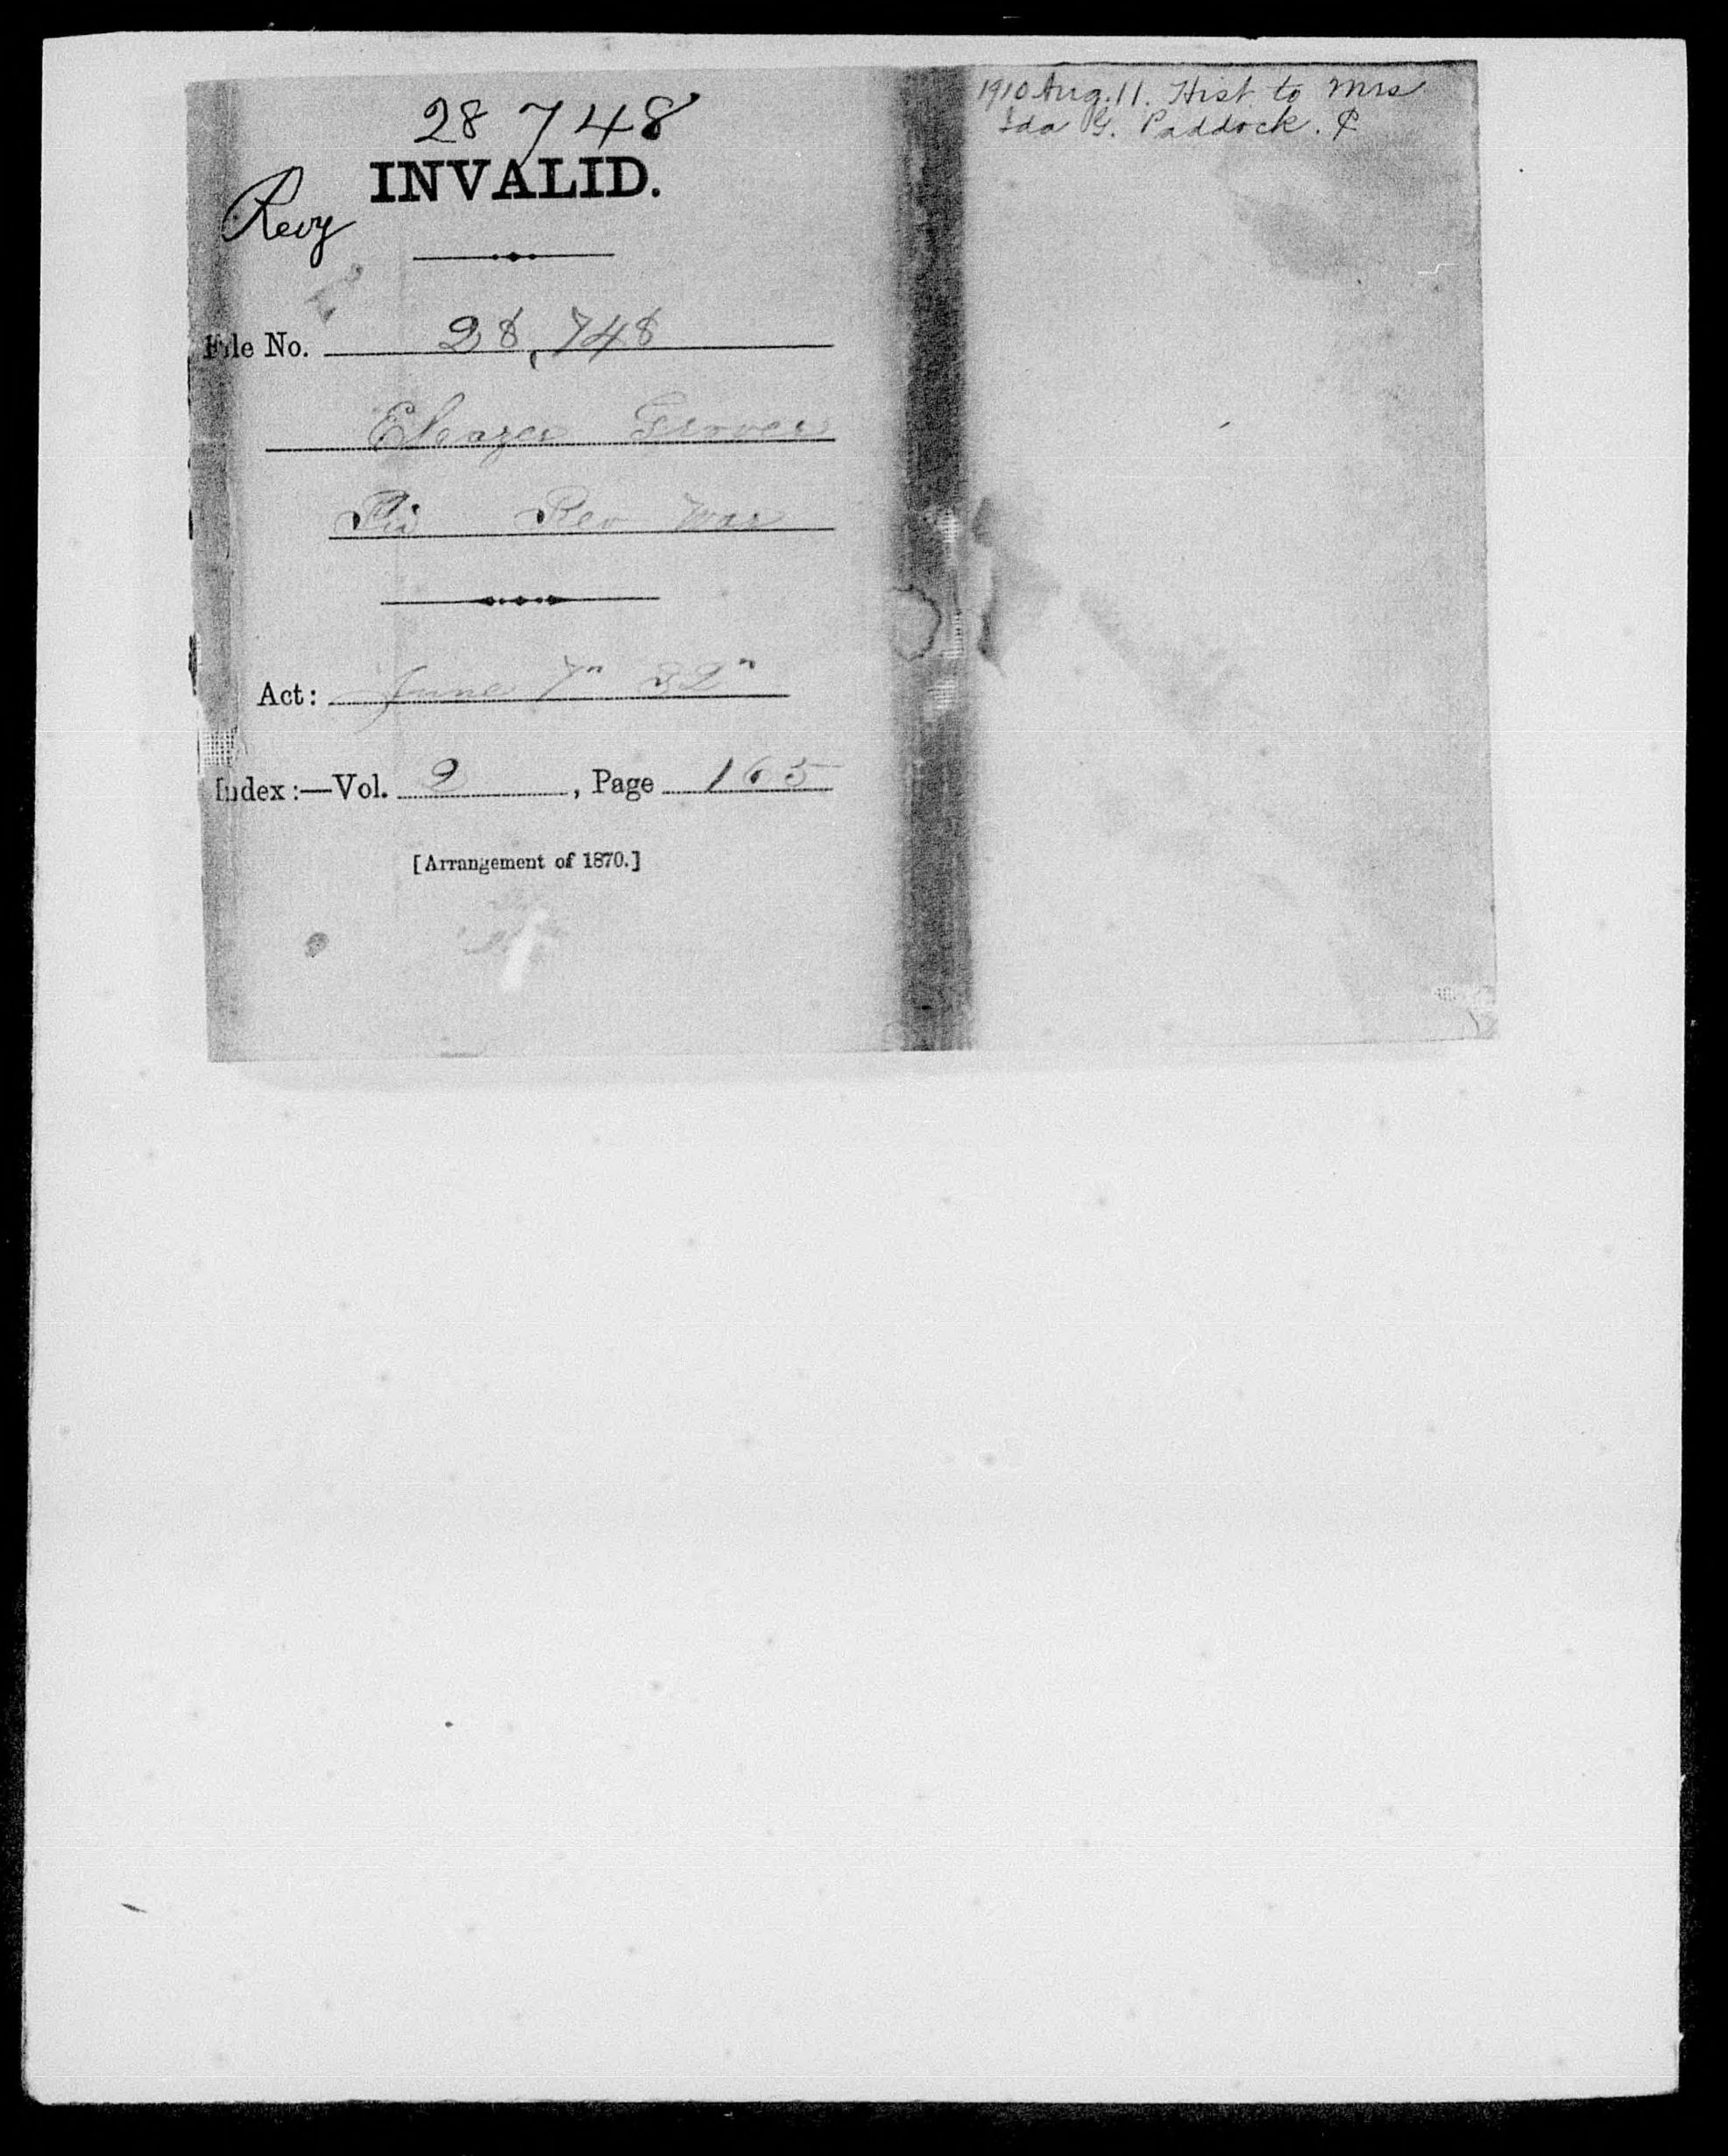[verso]
28748
Revy INVALID
File No. 28,748
Eleazer Grover
Pri Rev War
Act: June 7" 32"
Index: - Vol. 2, Page 165
[Arrangement of 1870.]

[recto]
1910 Aug. 11. Hist to Mrs. Ida G. Paddock.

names: Eleazer Grover, Ida G Paddock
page: 39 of 43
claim: survivor's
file: S. 28748, Eleazer Grover, Continental Mass. Vt.